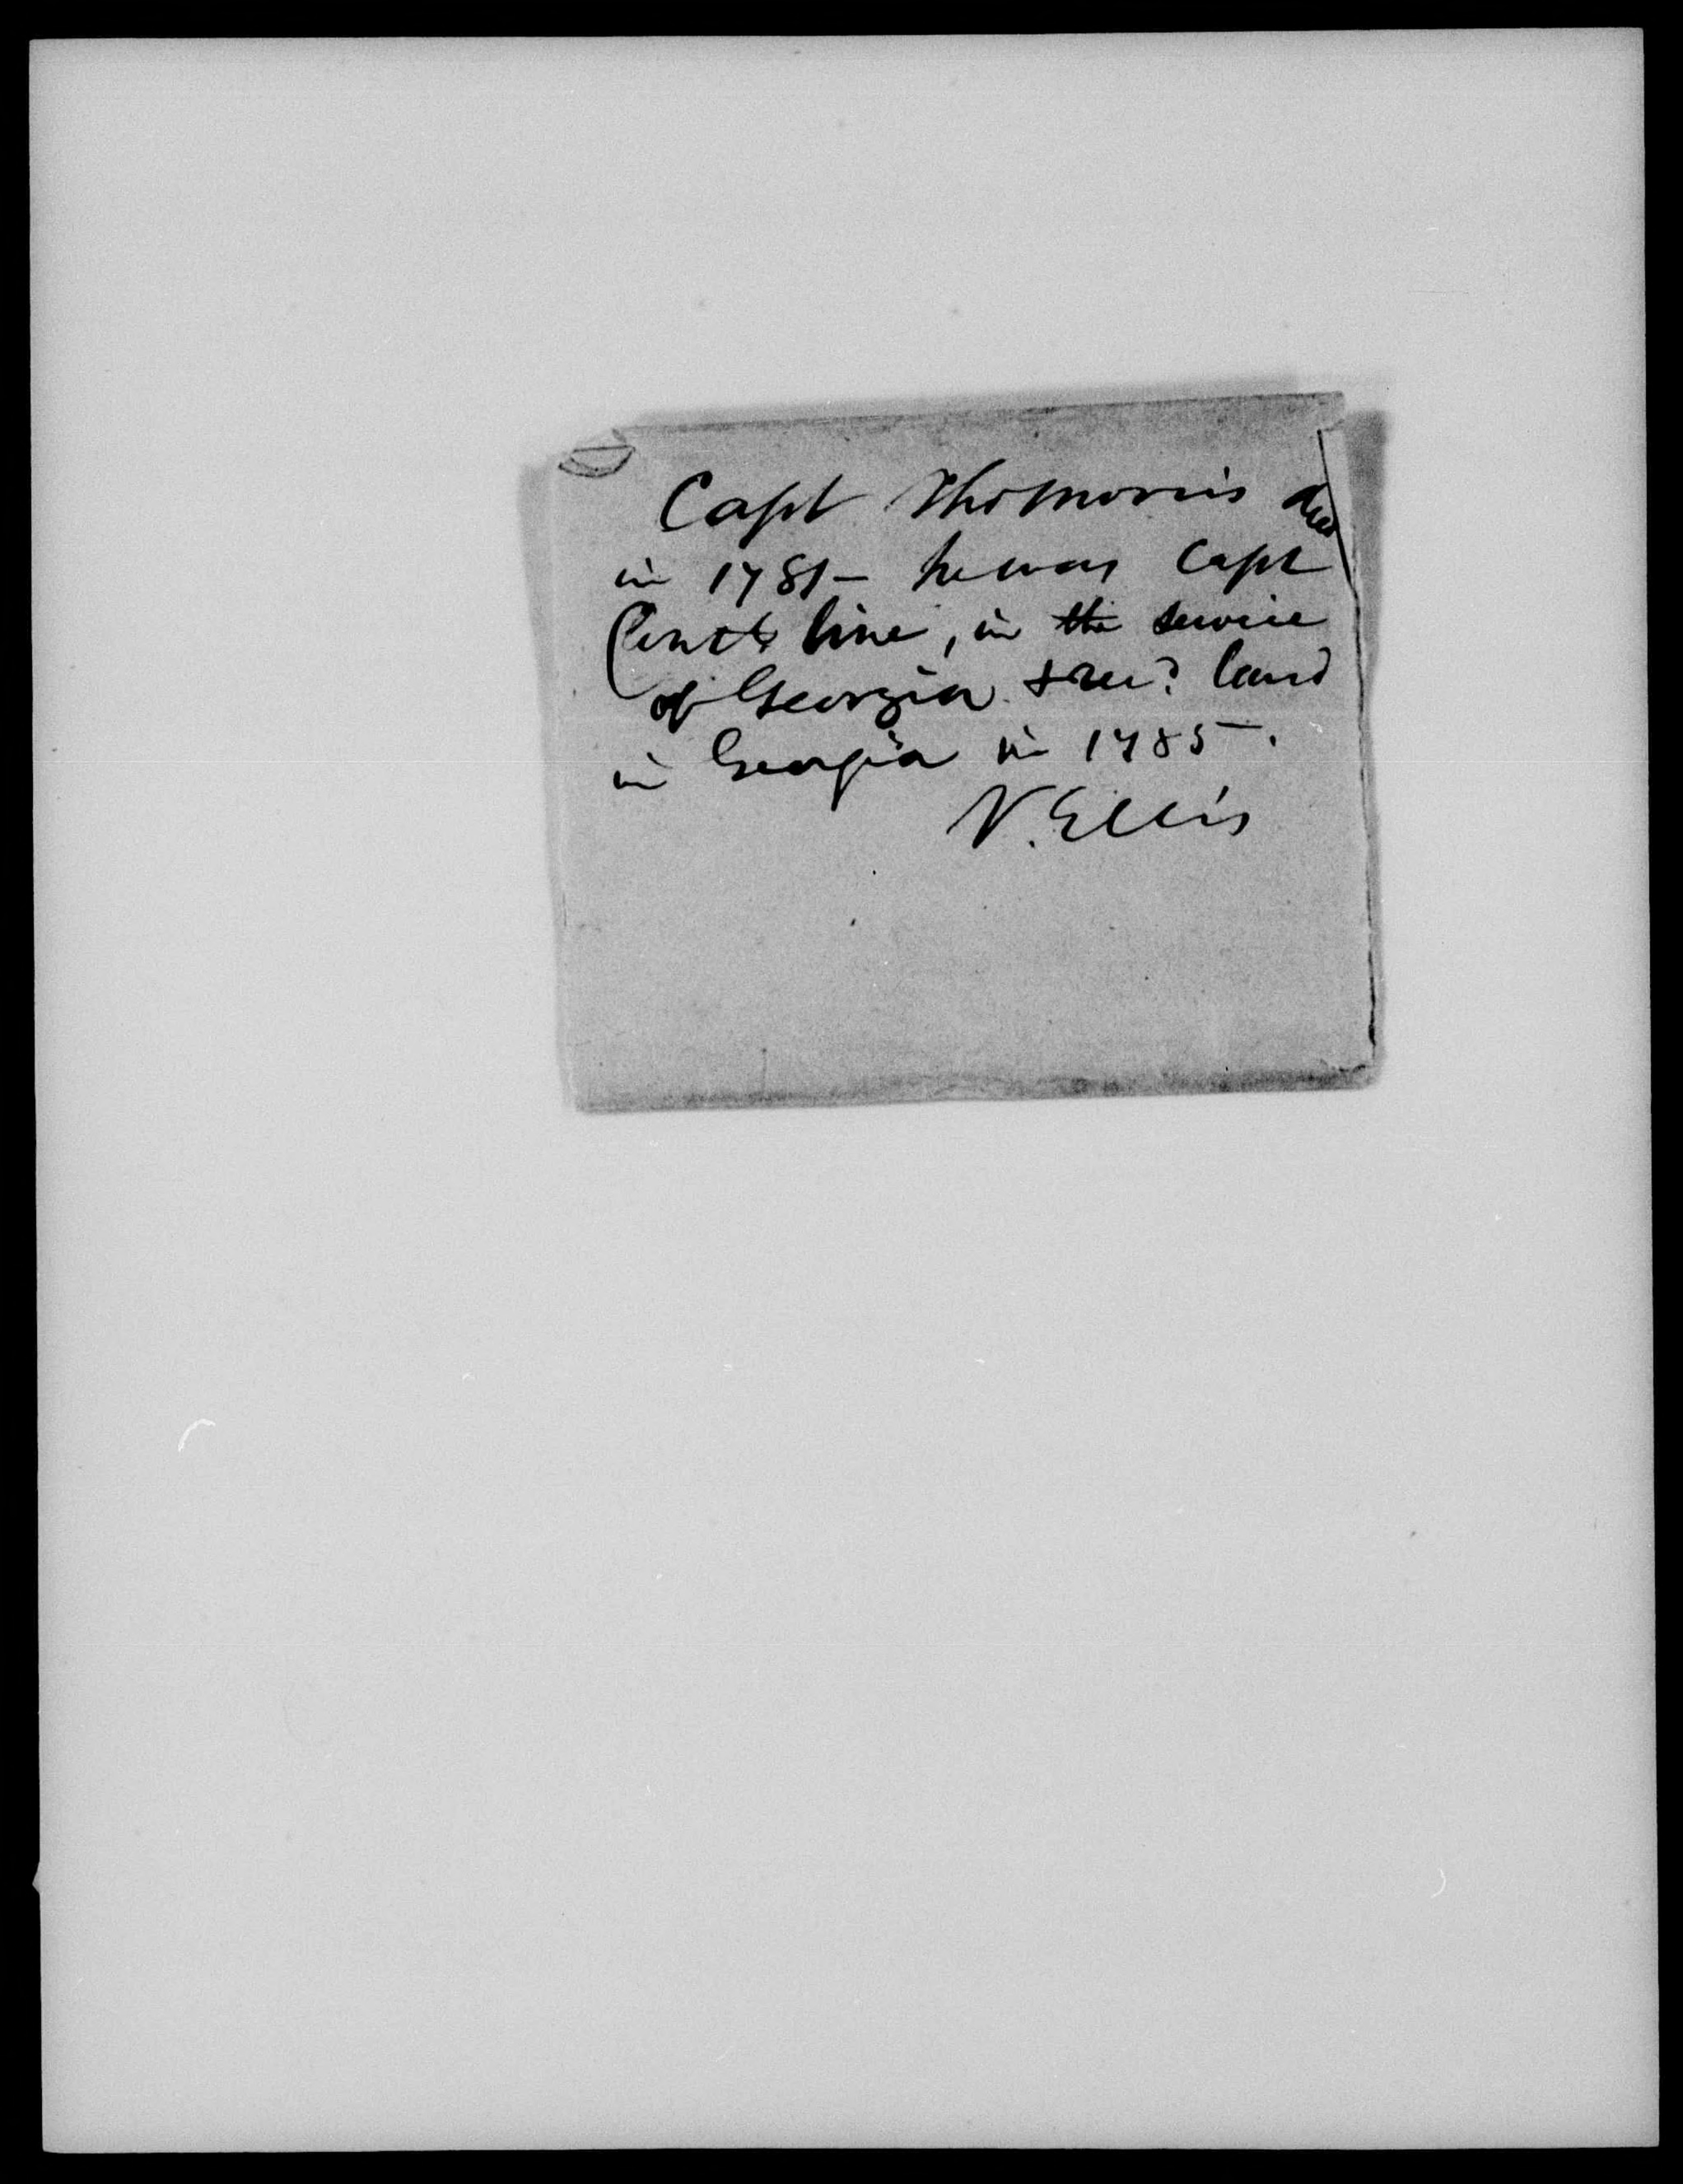Capt Tho Morris decd in 1781 he was capt county line in the service of Georgia &  in Georgia in 1785 V. Ellis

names: Tho Morris; V Ellis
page: 25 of 30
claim: rejected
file: R. 16,555, for Thomas Morris, Georgia